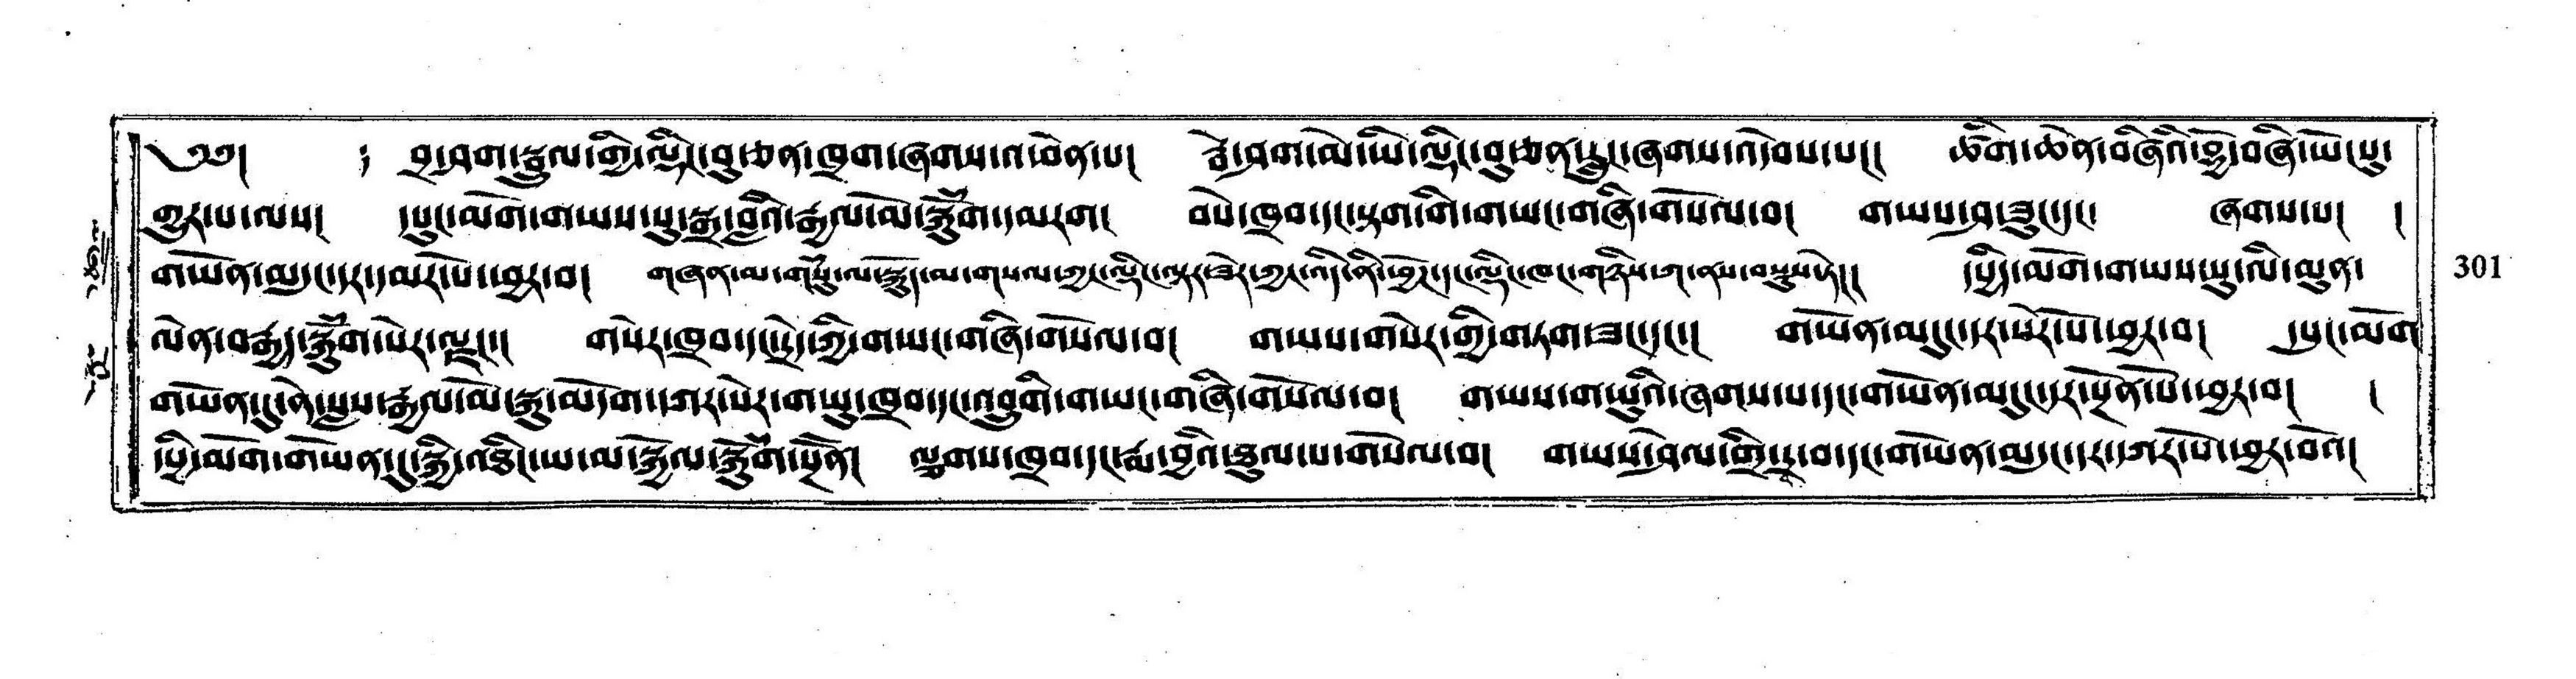བྲ་ཤག་སྦྲུལ་གྱི་ལྡིང་བུ་ཅན་ཁྲག་ཞགས་འཕེན་པ། རྦེ་ཤག་མེ་ཡི་ལྡིང་བུ་ཅན་རླུང་ཞགས་འདེབས་པ།། ཚིག་ཆེན་བཞིའི་བྷྱོ་བཞི་ཡོངས་སུ་
གྱུར་པ་ལས། དཔུང་མགོ་གཡས་སུ་སྒྲ་བླའི་རྒྱལ་མོ་སྐུ་མདོག་དམར་ནག བསེ་ཁྲབ་དང་སྟག་གི་གཡང་གཞི་གསོལ་བ། གཡས་ཤ་ཟུང་དང་ཞགས་པ། 
གཡོན་མདུང་དར་དམར་པོ་ཕྱར་བ། གཞན་མ་གསུམ་ལ་སྐུ་བསྟོད་མ་གསལ་ཀྱང་ལྡིང་ལྟར་ཟེར་ཀྱང་འདི་ནི་ཕྱོགས་དང་ལྡིང་ཁང་གཉིས་ཀ་ནས་བསྡུས་ཏེ།། དཔྱིད་མགོ་གཡས་སུ་ལི་མུན་
ལེན་བརྒྱད་སྐུ་མདོག་སེར་ལྗང་། གསེར་ཁྲབ་དང་དྲེད་ཀྱི་གཡང་གཞི་གསོལ་བ། གཡས་གསེར་གྱི་གཏག་ཟང་དང་། གཡོན་མདུང་དར་སེར་པོ་ཕྱར་བ། དཔུང་མགོ་
གཡོན་དུ་ནེ་སླས་རྒྱལ་མོ་སྐུ་མདོག་དཀར་སེར་གཡུ་ཁྲབ་དང་འབྲུག་གི་གཡང་གཞི་གསོལ་བ། གཡས་གཡུའི་ཞགས་པ་དང་གཡོན་མདུང་དར་སྔོན་པོ་ཕྱར་བ། 
དཔྱི་མགོ་གཡོན་དུ་སྐྱི་འཐིང་ཡ་མ་སྐྱོལ་སྐུ་མདོག་སྔོན་པོ། ལྕགས་ཁྲབ་དང་རྨ་བྱའི་ཐུལ་པ་གསོལ་བ། གཡས་ཤེལ་གྱི་དྲྭ་བ་དང་གཡོན་མདུང་དར་དཀར་པོ་ཕྱར་བའོ།